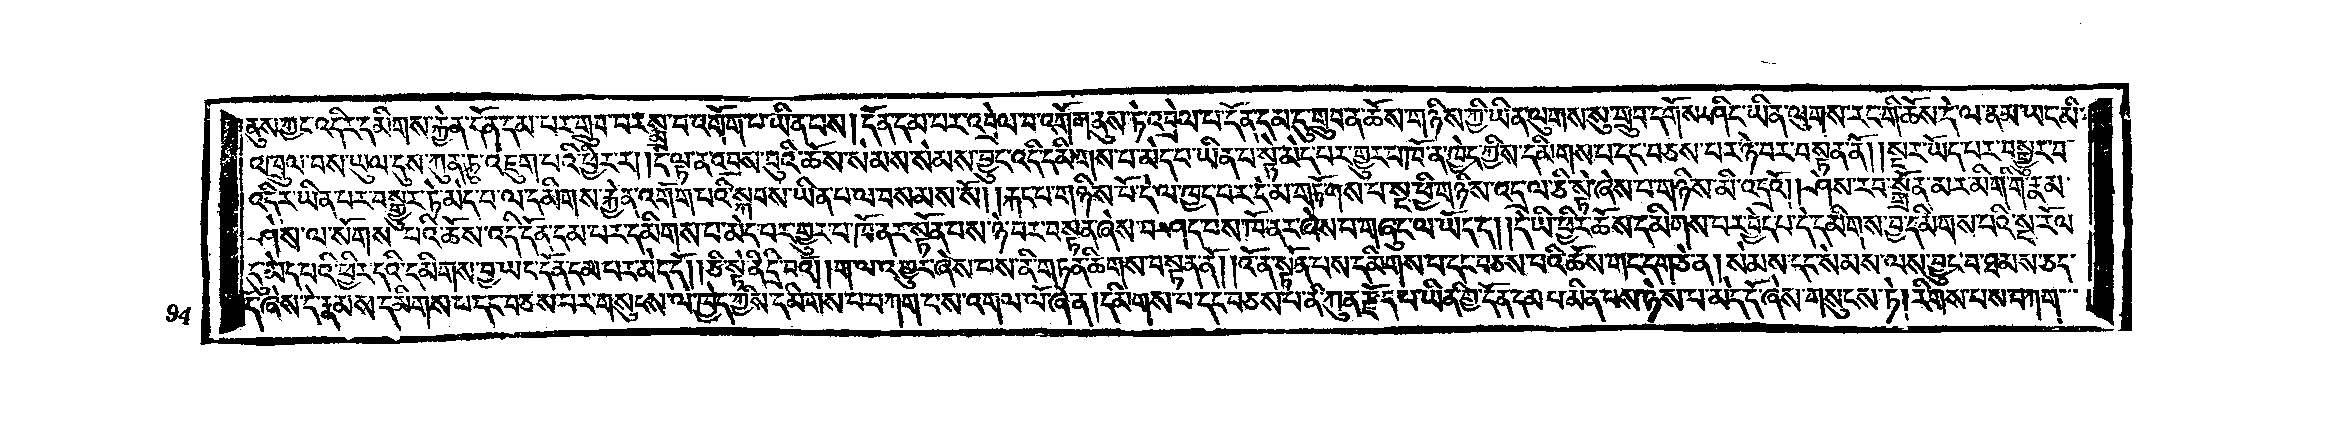ནུས་ཀྱང་འདིར་དམིགས་རྐྱེན་དོན་དམ་པར་གྲུབ་པར་སྨྲ་བ་འགོག་པ་ཡིན་པས། དོན་དམ་པར་འབྲེལ་བ་འགོག་ནུས་ཏེ་འབྲེལ་པ་དོན་དམ་དུ་གྲུབ་ན་ཆོས་གཉིས་ཀྱི་ཡིན་ལུགས་སུ་གྲུབ་དགོས་ཤིང་ཡིན་ལུགས་རང་གི་ཆོས་དེ་ལ་ནམ་ཡང་མི་
འཁྲུལ་བས་ཡུལ་དུས་ཀུན་ཏུ་འཇུག་པའི་ཕྱིར་རོ། །དེ་ལྟ་ན་འབྲས་བུའི་ཆོས་སེམས་སེམས་བྱུང་འདི་དམིགས་པ་མེད་པ་ཡིན་པ་སྟེ་མེད་པར་གྱུར་པ་ཁོ་ན་ཁྱེད་ཀྱིས་དམིགས་པ་དང་བཅས་པར་ཉེ་བར་བསྟན་ནོ། །སྔར་ཡོད་པར་བསྒྱུར་བ་
འདིར་ཡིན་པར་བསྒྱུར་ཏེ་མེད་པ་ལ་དམིགས་རྐྱེན་འགོག་པའི་སྐབས་ཡིན་པ་ལ་བསམས་སོ། །རྐང་པ་གཉིས་པོ་དེ་ལ་ཁྱད་པར་དེ་མ་གཏོགས་པ་སྔ་ཕྱི་གཉིས་འདྲ་ལ་ཅི་སྟེ་ཞེས་པ་གཉིས་མི་འདྲའོ། །ཤེས་རབ་སྒྲོན་མར་མིག་གི་རྣམ་
ཤེས་ལ་སོགས་པའི་ཆོས་འདི་དོན་དམ་པར་དམིགས་པ་མེད་པར་གྱུར་པ་ཁོ་ནར་སྟོན་པས་ཉེ་བར་བསྟན་ཞེས་བཤད་པས་ཁོ་ནར་ཞེས་པ་གཞུང་ལ་ཡོད་དོ། །དེ་ཡི་ཕྱིར་ཆོས་དམིགས་པར་བྱེད་པ་དེ་དམིགས་བྱ་དམིགས་པའི་སྔ་རོལ་
དུ་མེད་པའི་ཕྱིར་དེའི་དམིགས་བྱ་ཡང་དོན་དམ་པར་མེད་དོ། །ཅི་སྟེ་ནི་དྲི་བའོ། །ག་ལ་འགྱུར་ཞེས་པས་ནི་གཏན་ཚིགས་བསྟན་ནོ། །འོ་ན་སྟོན་པས་དམིགས་པ་དང་བཅས་པའི་ཆོས་གང་དག་ཅེ་ན། སེམས་དང་སེམས་ལས་བྱུང་བ་ཐམས་ཅད་
དོ་ཞེས་དེ་རྣམས་དམིགས་པ་དང་བཅས་པར་གསུངས་ལ་ཁྱེད་ཀྱིས་དམིགས་པ་བཀག་པས་འགལ་ལོ་ཞེ་ན། དམིགས་པ་དང་བཅས་པ་ནི་ཀུན་རྫོབ་པ་ཡིན་གྱི་དོན་དམ་པ་མིན་པས་ཉེས་པ་མེད་དོ་ཞེས་གསུངས་ཏེ། རིགས་པས་བཀག་